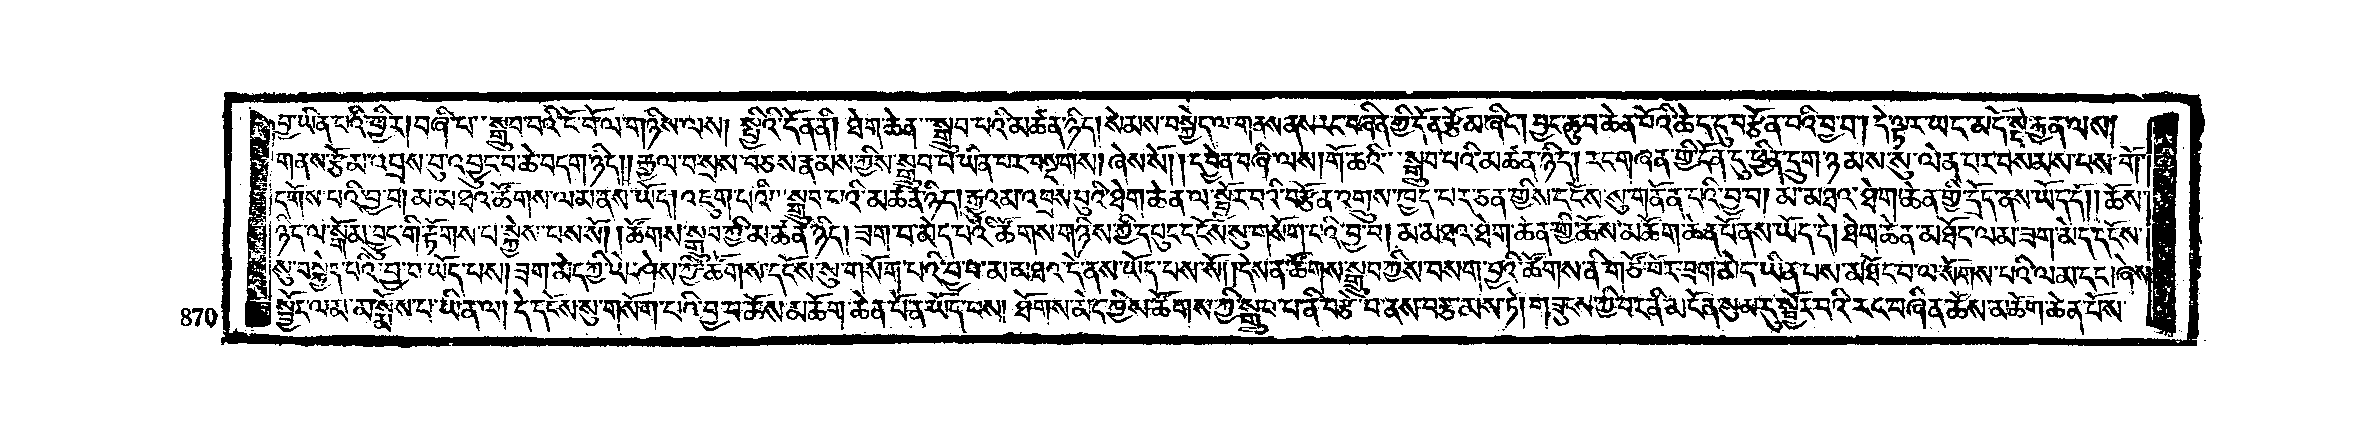བྱ་ཡིན་པའི་ཕྱིར། བཞི་པ་སྒྲུབ་པའི་ངོ་བོ་ལ་གཉིས་ལས། སྤྱིའི་དོན་ནི། ཐེག་ཆེན་སྒྲུབ་པའི་མཚན་ཉིད། སེམས་བསྐྱེད་ལ་གནས་ནས་རང་བཞིན་གྱི་དོན་རྩོམ་ཞིང་། བྱང་ཆུབ་ཆེན་པོའི་ཆེད་དུ་བརྩོན་པའི་བྱ་བ། དེ་ལྟར་ཡང་མདོ་སྡེ་རྒྱན་ལས།
གནས་རྩོམ་འབྲས་བུ་འབྱུང་བ་ཆེ་བདག་ཉིད། །རྒྱལ་བ་སྲས་བཅས་རྣམས་ཀྱིས་སྒྲུབ་པ་ཡིན་པར་བསྔགས། ཞེས་སོ། །དབྱེ་ན་བཞི་ལས། གོ་ཆའི་སྒྲུབ་པའི་མཚན་ཉིད། རང་གཞན་གྱི་དོན་དུ་ཕྱིན་དྲུག་ཉམས་སུ་ལེན་པར་བསམས་པས་གོ་
དགོས་པའི་བྱ་བ། མ་མཐའ་ཚོགས་ལམ་ནས་ཡོད། འཇུག་པའི་སྒྲུབ་པའི་མཚན་ཉིད། རྒྱུའམ་འབྲས་བུའི་ཐེག་ཆེན་ལ་སྦྱོར་བའི་བརྩོན་འགྲུས་ཁྱད་པར་ཅན་གྱིས་དངོས་སུ་གནོན་པའི་བྱ་བ། མ་མཐའ་ཐེག་ཆེན་གྱི་དྲོད་ནས་ཡོད་དོ། །ཆོས་
ཉིད་ལ་སྒོམ་བྱུང་གི་རྟོགས་པ་སྐྱེས་པས་སོ། །ཚོགས་སྒྲུབ་ཀྱི་མཚན་ཉིད། ཟག་པ་མེད་པའི་ཚོགས་གཉིས་ཀྱི་དཔུང་དངོས་སུ་གསོག་པའི་བྱ་བ། མ་མཐའ་ཐེག་ཆེན་གྱི་ཆོས་མཆོག་ཆེན་པོ་ནས་ཡོད་དེ། ཐེག་ཆེན་མཐོང་ལམ་ཟག་མེད་དངོས་
སུ་བསྐྱེད་པའི་བྱ་བ་ཡོད་པས། ཟག་མེད་ཀྱི་ཡེ་ཤེས་ཀྱི་ཚོགས་དངོས་སུ་གསོག་པའི་བྱ་བ་མ་མཐའ་དེ་ནས་ཡོད་པས་སོ། །དེས་ན་ཚོགས་སྒྲུབ་ཀྱིས་བསག་བྱའི་ཚོགས་ནི་གཙོ་བོར་ཟག་མེད་ཡིན་པས་མཐོང་བ་ལ་སོགས་པའི་ལམ་དང་། ཞེས་
སྦྱོར་ལམ་མ་སྨོས་པ་ཡིན་ལ། དེ་དངོས་སུ་གསོག་པའི་བྱ་བ་ཆོས་མཆོག་ཆེན་པོ་ན་ཡོད་པས། ཐོགས་མེད་ཀྱིས་ཚོགས་ཀྱི་སྒྲུབ་པ་ནི་བརྩེ་བ་ནས་བརྩམས་ཏེ། གཟུངས་ཀྱི་བར་ནི་མངོན་སུམ་དུ་སྦྱོར་བའི་རང་བཞིན་ཆོས་མཆོག་ཆེན་པོས་